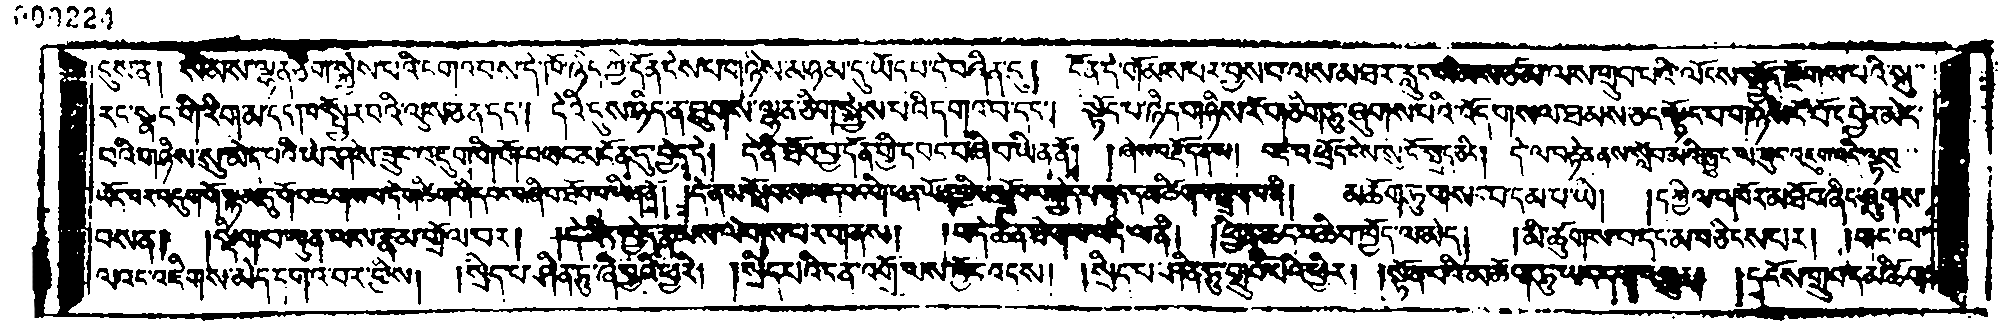དུས་ན། སེམས་ལྷན་ཅིག་སྐྱེས་པའི་དགའ་བས་དེ་ཁོ་ཉིད་ཀྱི་དོན་ངེས་པ་གཉིས་མཉམ་དུ་ཡོད་པ་དེ་བཞིན་དུ། དོན་དེ་གོམས་པར་བྱས་པ་ལས་མཐར་རླུང་སེམས་ཙམ་ལས་གྲུབ་པའི་ལོངས་སྤྱོད་རྫོགས་པའི་སྐུ་
རང་སྣང་གི་རིག་མ་དང་ཁ་སྤྱོར་བའི་ལུས་ཅན་དང་། དེའི་དུས་ཉིད་ན་ཐུགས་ལྷན་ཅིག་སྐྱེས་པའི་དགའ་བ་དང་། སྟོང་པ་ཉིད་གཉིས་རོ་གཅིག་ཏུ་ཞུགས་པའི་འོད་གསལ་ཐམས་ཅད་སྟོང་པ་གཉིས་ངོ་བོ་དབྱེར་མེད་
པའི་གཉིས་སུ་མེད་པའི་ཡེ་ཤེས་ཟུང་འཇུག་གི་གོ་འཕང་མངོན་དུ་བྱེད་དེ། དེ་ནི་ཐོབ་བྱ་དོན་གྱི་དབང་བཞི་པ་ཡིན་ནོ། །ཞེས་བརྗོད་ནས། བརྡ་འཕྲོད་ངེས་སུ་ངོ་སྤྲད་ཅིང་། དེ་ལ་བརྟེན་ནས་སློབ་མའི་རྒྱུད་ལ་ཟུང་འཇུག་འདི་ལྟ་བུ་
ཡོད་པར་འདུག་གོ་སྙམ་དུ་གོ་བ་ཆགས་པ་དེ་ག་ཚིག་གི་དབང་བཞི་བ་ཐོབ་པ་ཡིན་ནོ། །དེ་ནས་སློབ་མ་ལ་དབང་གི་ཕན་ཡོན་གྱིས་སྤྲོ་བ་བསྐྱེད་པ་དང་དམ་ཚིག་བསྒྲག་པ་ནི། མཆོག་ཏུ་གསང་བ་དམ་པ་ཡི། །དཀྱིལ་འཁོར་མཐོང་ཞིང་ཞུགས་
བས་ན། །སྡིག་པ་ཀུན་ལས་རྣམ་གྲོལ་བར། །དེ་རིང་ཁྱེད་རྣམས་ལེགས་པར་གནས། །བདེ་ཆེན་ཐེག་པ་འདི་ལ་ནི། །ཕྱིན་ཆད་འཆི་བ་ཁྱོད་ལ་མེད། །མི་ཚུགས་པ་དང་མ་བཅིངས་པར། །གང་ལ་
ལའང་འཇིགས་མེད་དགའ་བར་གྱིས། །སྲིད་པ་ཤིན་ཏུ་ཞི་བྱའི་ཕྱིར། །སྲིད་པའི་ངན་འགྲོ་ལས་ཁྱོད་འདས། །སྲིད་པ་ཤིན་ཏུ་གྲུབ་པའི་ཕྱིར། །སྟོན་པའི་མཆོག་ཏུ་ཡང་དག་འགྱུར། །དངོས་གྲུབ་དམ་ཚིག་